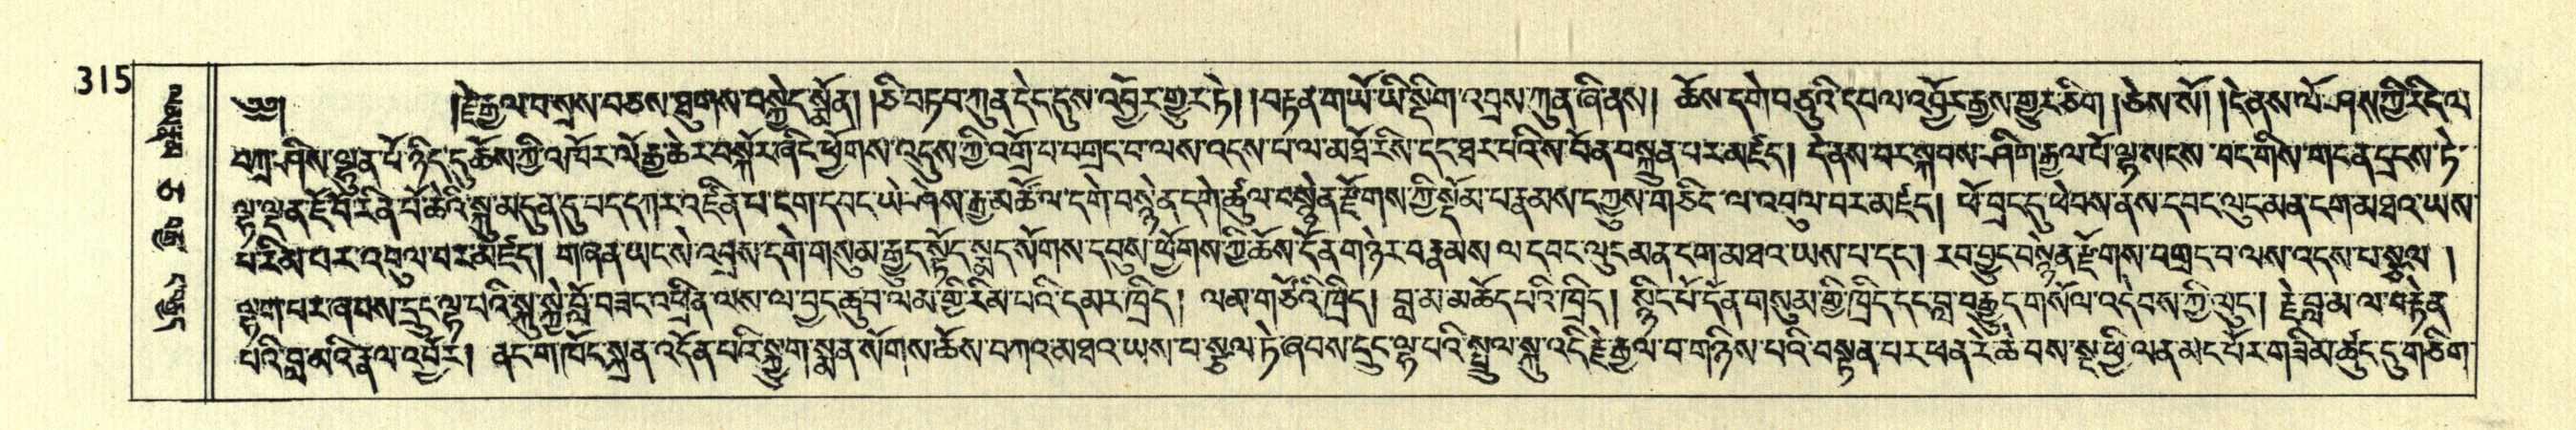༄༅། །རྗེ་རྒྱལ་བ་སྲས་བཅས་ཐུགས་བསྐྱེད་སྨོན། །ཅི་བཏབ་ཀུན་དེང་དུས་འབྱོར་གྱུར་ཏེ། །བརྟན་གཡོ་ཡི་སྡིག་འབྲས་ཀུན་ཞི་ནས། ཆོས་དགེ་བཅུའི་དཔལ་འབྱོར་རྒྱས་གྱུར་ཅིག །ཅེས་སོ། །དེ་ནས་ལོ་ཤས་ཀྱི་རིང་ལ་
བཀྲ་ཤིས་ལྷུན་པོ་ཉིད་དུ་ཆོས་ཀྱི་འཁོར་ལོ་རྒྱ་ཆེར་བསྐོར་ཞིང་ཕྱོགས་འདུས་ཀྱི་འགྲོ་པ་བགྲང་བ་ལས་འདས་པ་ལ་མཐོ་རིས་དང་ཐར་པའི་ས་བོན་བསྐྲུན་པར་མཛད། དེ་ནས་བར་སྐབས་ཤིག་རྒྱལ་པོ་ལྷ་སངས་བང་གིས་གྔན་དྲངས་ཏེ་
ལྷ་ལྡན་ཇོ་བོ་རིན་པོ་ཆེའི་སྐུ་མདུན་དུ་པད་དཀར་འཛིན་པ་ངག་དབང་ཡེ་ཤེས་རྒྱ་མཚོ་ལ་དགེ་བསྙེན་དགེ་ཚུལ་བསྙེན་རྫོགས་ཀྱི་སྡོམ་པ་རྣམས་དཀྱུས་གཅིང་ལ་འབུལ་བར་མཛད། ཕོ་བྲང་དུ་ཕེབས་ནས་དབང་ལུང་མན་ངག་མཐའ་ཡས་
པ་རིམ་པར་འབུལ་བར་མཛད། གཞན་ཡང་སེ་འབྲས་དགེ་གསུམ་རྒྱུད་སྟོད་སྨད་སོགས་དབུས་ཕྱོགས་ཀྱི་ཆོས་དོན་གཉེར་བ་རྣམས་ལ་དབང་ལུང་མན་ངག་མཐའ་ཡས་པ་དང་། རབ་བྱུང་བསྙེན་རྫོགས་བགྲང་བ་ལས་འདས་པ་སྩལ།
ལྷག་པར་ཞབས་དྲུང་ལྷ་པའི་སྐུ་སྐྱེ་བློ་བཟང་འཕྲིན་ལས་ལ་བྱང་ཆུབ་ལམ་གྱི་རིམ་པའི་དམར་ཁྲིད། ལམ་གཙོའི་ཁྲིད། བླ་མ་མཆོད་པའི་ཁྲིད། སྙིང་པོ་དོན་གསུམ་གྱི་ཁྲིད་དང་བླ་བརྒྱུད་གསོལ་འདེབས་ཀྱི་ལུང་། རྗེ་བླ་མ་ལ་བརྟེན་
པའི་བླ་མའི་རྣལ་འབྱོར། ནང་ག་ཁོང་སྐྲན་འདོན་པའི་སྐྱུག་སྨན་སོགས་ཆོས་བཀའ་མཐའ་ཡས་པ་སྩལ་ཏེ་ཞབས་དྲུང་ལྷ་པའི་སྤྲུལ་སྐུ་འདི་རྗེ་རྒྱལ་བ་གཉིས་པའི་བསྟན་པར་ཕན་རེ་ཆེ་བས་སྔ་ཕྱི་ལན་མང་པོར་གཟིམ་ཚུང་དུ་གཅིག་